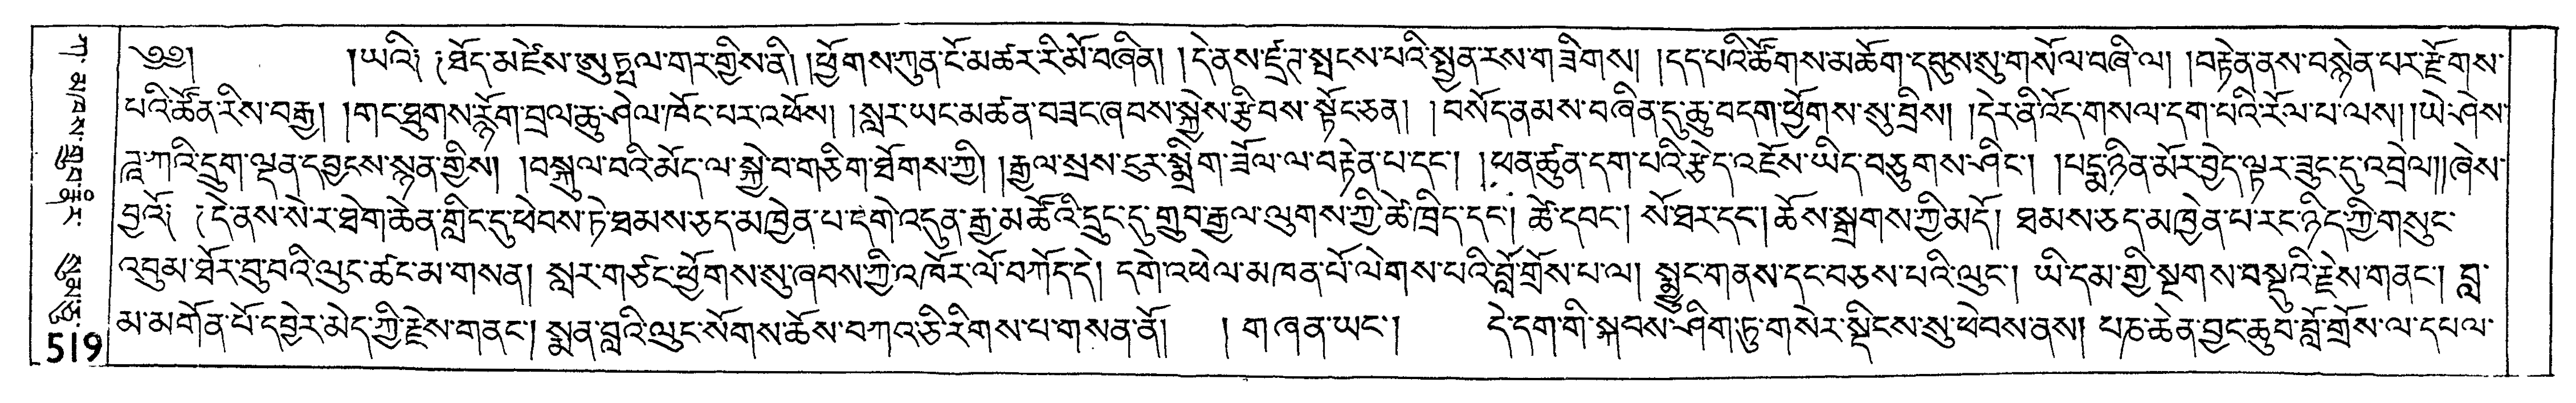༄༅། །ཡའི༑ ༑ཐོད་མཛེས་ཨུཏྤལ་གར་གྱིས་ནི། །ཕྱོགས་ཀུན་ངོ་མཚར་རི་མོ་བཞིན། །དེ་ནས་ཛྲ་ཊ་སྤངས་པའི་སྤྱན་རས་གཟིགས། །དད་པའི་ཚོགས་མཆོག་དབུས་སུ་གསོལ་བཞི་ལ། །བརྟེན་ནས་བསྙེན་པར་རྫོགས་
པའི་ཚོན་རིས་བརྒྱ། །གང་ཐུགས་རྙོག་བྲལ་ཆུ་ཤེལ་ཁོང་པར་འཕོས། །སླར་ཡང་མཚན་བཟང་ཞབས་སྐྱེས་རྩིབས་སྟོང་ཅན། །བསོད་ནམས་བཞིན་དུ་ཆུ་བདག་ཕྱོགས་སུ་བྲིས། །དེར་ནི་འོད་གསལ་དག་པའི་རོལ་པ་ལས། །ཡེ་ཤེས་
ཌཱ་ཀའི་དྲུག་ལྡན་དབྱངས་སྙན་གྱིས། །བསྐུལ་བའི་མོད་ལ་སྐྱེ་བ་གཅིག་ཐོགས་ཀྱི། །རྒྱལ་སྲས་ངུར་སྨྲིག་ཟོལ་ལ་བརྟེན་པ་དང་། །ཕན་ཚུན་དག་པའི་རྩེད་འཇོས་ཡིད་བཅུགས་ཤིང་། །པདམ་ཉིན་མོར་བྱེད་ལྟར་ཟུང་དུ་འབྲེལ། །ཞེས་
བྱའོ༑ ༑དེ་ནས་སེ་ར་ཐེག་ཆེན་གླིང་དུ་ཕེབས་ཏེ་ཐམས་ཅད་མཁྱེན་པ་དགེ་འདུན་རྒྱ་མཚོའི་དྲུང་དུ་གྲུབ་རྒྱལ་ལུགས་ཀྱི་ཚེ་ཁྲིད་དང་། ཚེ་དབང་། སོ་ཐར་དང་། ཆོས་སྒྲགས་ཀྱི་མདོ། ཐམས་ཅད་མཁྱེན་པ་རང་ཉིད་ཀྱི་གསུང་
འབུམ་ཐོར་བུ་བའི་ལུང་ཚང་མ་གསན། སླར་གཙང་ཕྱོགས་སུ་ཞབས་ཀྱི་འཁོར་ལོ་བཀོད་དེ། དགེ་འཕེལ་མཁན་པོ་ལེགས་པའི་བློ་གྲོས་པ་ལ། སྨྱུང་གནས་དང་བཅས་པའི་ལུང་། ཡི་དམ་གྱི་སྔགས་བསྡུའི་རྗེས་གནང་། བླ་
མ་མགོན་པོ་དབྱེར་མེད་ཀྱི་རྗེས་གནང་། སྨན་བླའི་ལུང་སོགས་ཆོས་བཀའ་ཅི་རིགས་པ་གསན་ནོ། །གཞན་ཡང་། དེ་དག་གི་སྐབས་ཤིག་ཏུ་གསེར་སྡིངས་སུ་ཕེབས་ནས། པཎ་ཆེན་བྱང་ཆུབ་བློ་གྲོས་ལ་དཔལ་